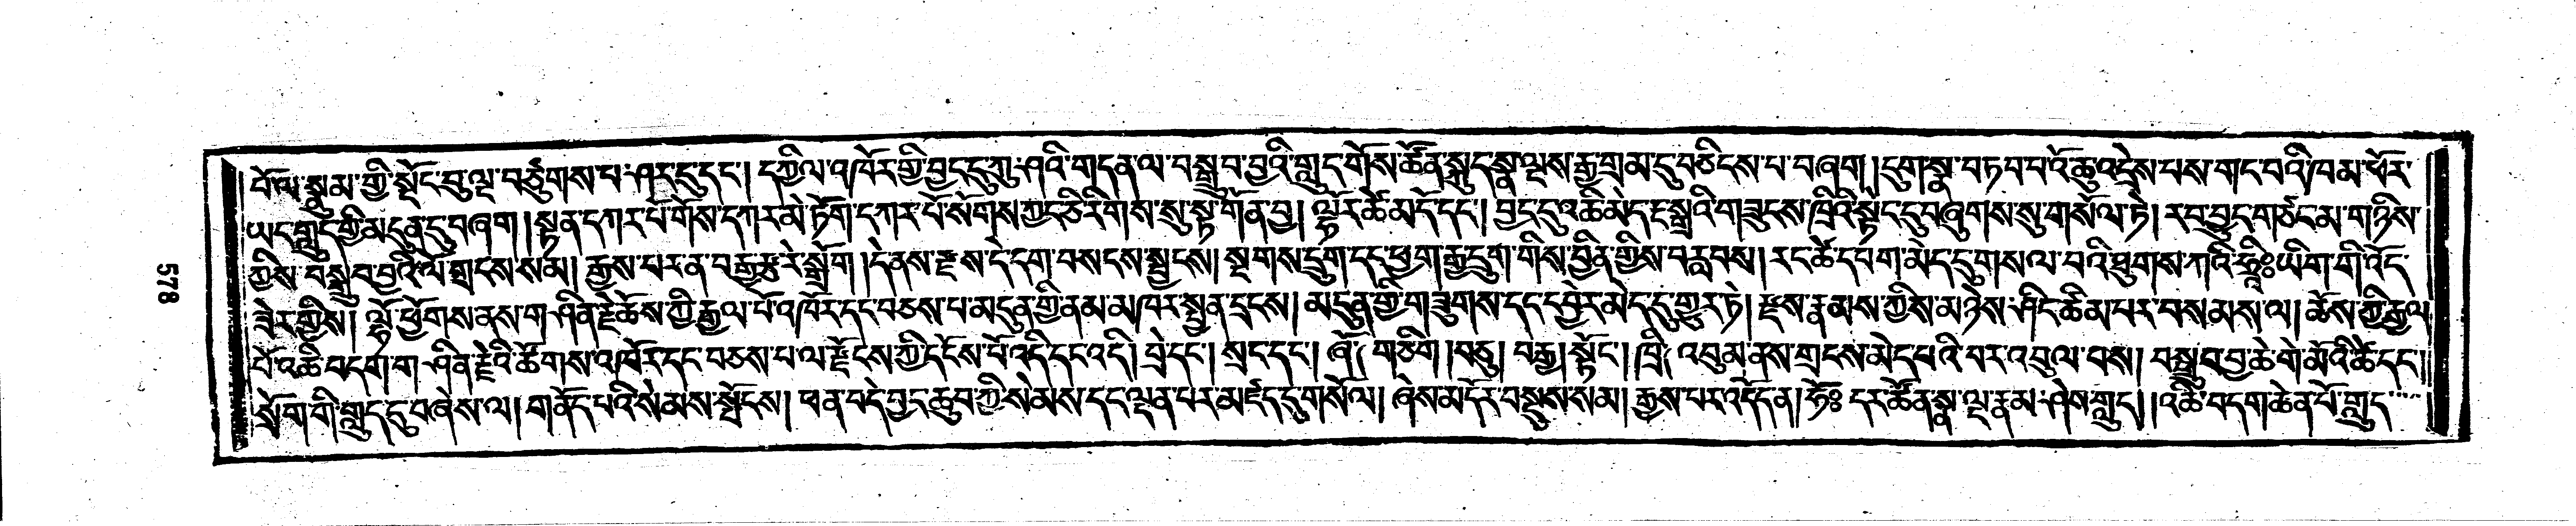པོ་ལ་སྣུམ་གྱི་སྡོང་བུ་ལྔ་བཙུགས་པ་ཤར་དུ་དང་། དཀྱིལ་འཁོར་གྱི་བྱང་དུ་ཀུ་ཤའི་གདན་ལ་བསྒྲུབ་བྱའི་གླུད་གོས་ཚོན་སྐུད་སྣ་ལྔས་རྒྱ་གྲམ་དུ་བཅིངས་པ་བཞག །དུག་སྣ་བཏབ་པའོ་ཆུ་འདྲེས་པས་གང་བའི་ཁམ་པོར་
ཡང་གླུད་ཀྱི་མདུན་དུ་བཞག །སྟན་དཀར་པོ་གོས་དཀར་མེ་ཏོག་དཀར་པོ་སོགས་ཀྱང་ཅི་རིགས་སུ་སྟ་གོན་བྱ། ལྷོར་ཚེ་མདོ་དང་། བྱང་དུ་འཆི་མེད་རྔ་སྒྲའི་གཟུངས་ཁྲིའི་སྟེང་དུ་བཞུགས་སུ་གསོལ་ཏེ། རབ་བྱུང་གཙང་མ་གཉིས་
ཀྱིས་བསྒྲུབ་བྱའི་ལོ་གྲངས་སམ། རྒྱས་པར་ན་བརྒྱ་རྩ་རེ་སྒྲོག །དེ་ནས་རྫས་དེ་དག་བསངས་སྦྱངས། སྔགས་དྲུག་དང་ཕྱག་རྒྱ་དྲུག་གིས་བྱིན་གྱིས་བརླབས། རང་ཚེ་དཔག་མེད་དུ་གསལ་བའི་ཐུགས་ཀའི་ཧྲཱིཿ ཡིག་གི་འོད་
ཟེར་གྱིས། ལྷོ་ཕྱོགས་ནས་གཤིན་རྗེ་ཆོས་ཀྱི་རྒྱལ་པོ་འཁོར་དང་བཅས་པ་མདུན་གྱི་ནམ་མཁར་སྤྱན་དྲངས། མདུན་གྱི་གཟུགས་དང་དབྱེར་མེད་དུ་གྱུར་ཏེ། རྫས་རྣམས་ཀྱིས་མཉེས་ཤིང་ཚིམ་པར་བསམས་ལ། ཆོས་ཀྱི་རྒྱལ་
པོ་འཆི་བདག་གཤིན་རྗེའི་ཚོགས་འཁོར་དང་བཅས་པ་ལ་རྫོངས་ཀྱི་དངོས་པོ་འདི་དང་འདི། བྲེ་དང་། སྲང་དང་། ཞོ༑ གཅིག །བཅུ། བརྒྱ། སྟོང་། ཁྲི། འབུམ་ནས་གྲངས་མེད་པའི་བར་འབུལ་བས། བསྒྲུབ་བྱ་ཆེ་གེ་མོའི་ཚེ་དང་། །
སྲོག་གི་གླུད་དུ་བཞིས་ལ། གནོད་པའི་སེམས་སྤོངས། ཕན་བདེ་བྱང་ཆུབ་ཀྱི་སེམས་དང་ལྡན་པར་མཛད་དུ་གསོལ། ཞེས་མདོར་བསྡུས་སམ། རྒྱས་པར་འདོད་ན། ཧོཿ དར་ཚོན་སྣ་ལྔ་རྣམ་ཤེས་གླུད། །འཆི་བདག་ཆེན་པོ་གླུད་